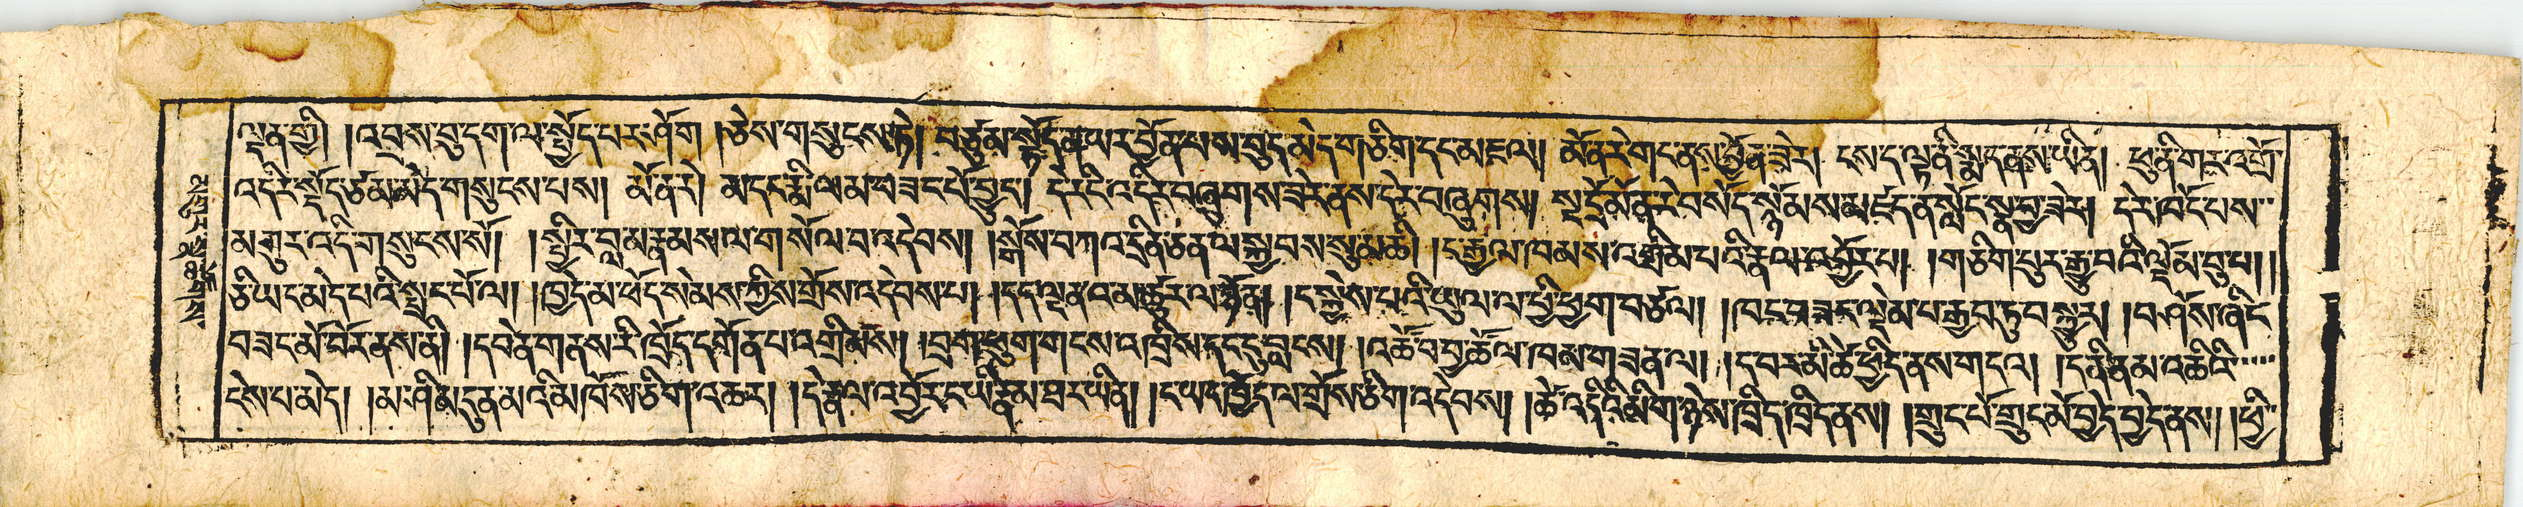ལྡན་གྱི། །འབྲས་བུ་དག་ལ་སྤྱོད་པར་ཤོག །ཅེས་གསུངས་ཏེ། བཙུམ་སྟོད་ཡར་བྱོན་པས་བུད་མེད་གཅིག་དང་མཇལ། མོ་ན་རེ། གང་ནས་བྱོན་ཟེར། ངས་ད་ལྟ་ནི་སྨད་ནས་ཡིན། ཕུ་༼ཕུག༽ནི་གར་འགྲོ་
འདིར་སྡོད་ཙམ་མེད་གསུངས་པས། མོ་ན་རེ། མདང་རྨི་ལམ་བཟང་པོ་བྱུང་། དེ་རིང་འདིར་བཞུགས་ཟེར་ནས་དེར་བཞུགས། སྔ་དྲོ་མོ་ན་རེ། བསོད་སྙོམས་མཛད་ན་སློང་སྣ་བྱ་ཟེར། དེར་ཁོང་པས་
མགུར་འདི་གསུངས་སོ། །སྤྱིར་བླ་མ་རྣམས་ལ་གསོལ་བ་འདེབས། །སྒོས་བཀའ་དྲིན་ཅན་ལ་སྐྱབས་སུ་མཆི། །ང་རྒྱལ་ཁམས་འགྲིམ་པའི་རྣལ་འབྱོར་པ། །གཅིག་པུར་རྒྱུ་བའི་ལྡོམ་བུ་པ། །
ཅི་ཡང་མེད་པའི་སྤང་པོ་ལ། །ཁྱེད་མ་ཕོད་སེམས་ཀྱིས་གྲོས་འདེབས་པ། །དད་ལྡན་འ་མ་ཚུར་ལ་ཉོན། །ད་སྐྱེས་པའི་ཡུལ་ལ་ཕྱི་ཕྱག་བཙལ། །ཁང་བཟང་ལྡེམ་པ་རྒྱབ་ཏུ་བསྐྱུར། །བཤོས་ཞིང་
བཟང་མོ་བོར་ནས་ནི། །དབེན་གནས་རི་ཁྲོད་དགོན་པ་འགྲིམས། །བྲག་ཕུག་གངས་འཁྲིས་དང་དུ་བླངས། །འཚོ་བ་བྱ་ཚོལ་ཁམ་གཟན་ལ། །ད་བར་མི་ཚེ་ཕྱིད་ནས་གདའ། །ད་ནི་ནམ་འཆིའི་
ངེས་པ་མེད། །མ་ཤི་མདུན་མའི་མཁོས་ཅིག་འཆར། །དེ་རྣལ་འབྱོར་ང་ཡི་རྣམ་ཐར་ཡིན། །ང་ཡང་ཁྱོད་ལ་གྲོས་ཅིག་འདེབས། །ཚེ་འདིའི་མིག་ཉེས་ཁྲིད་ཁྲིད་ནས། །གྲུང་པོ་གྲུང་མོ་བྱེད་བྱེད་ནས། །ཕྱི་